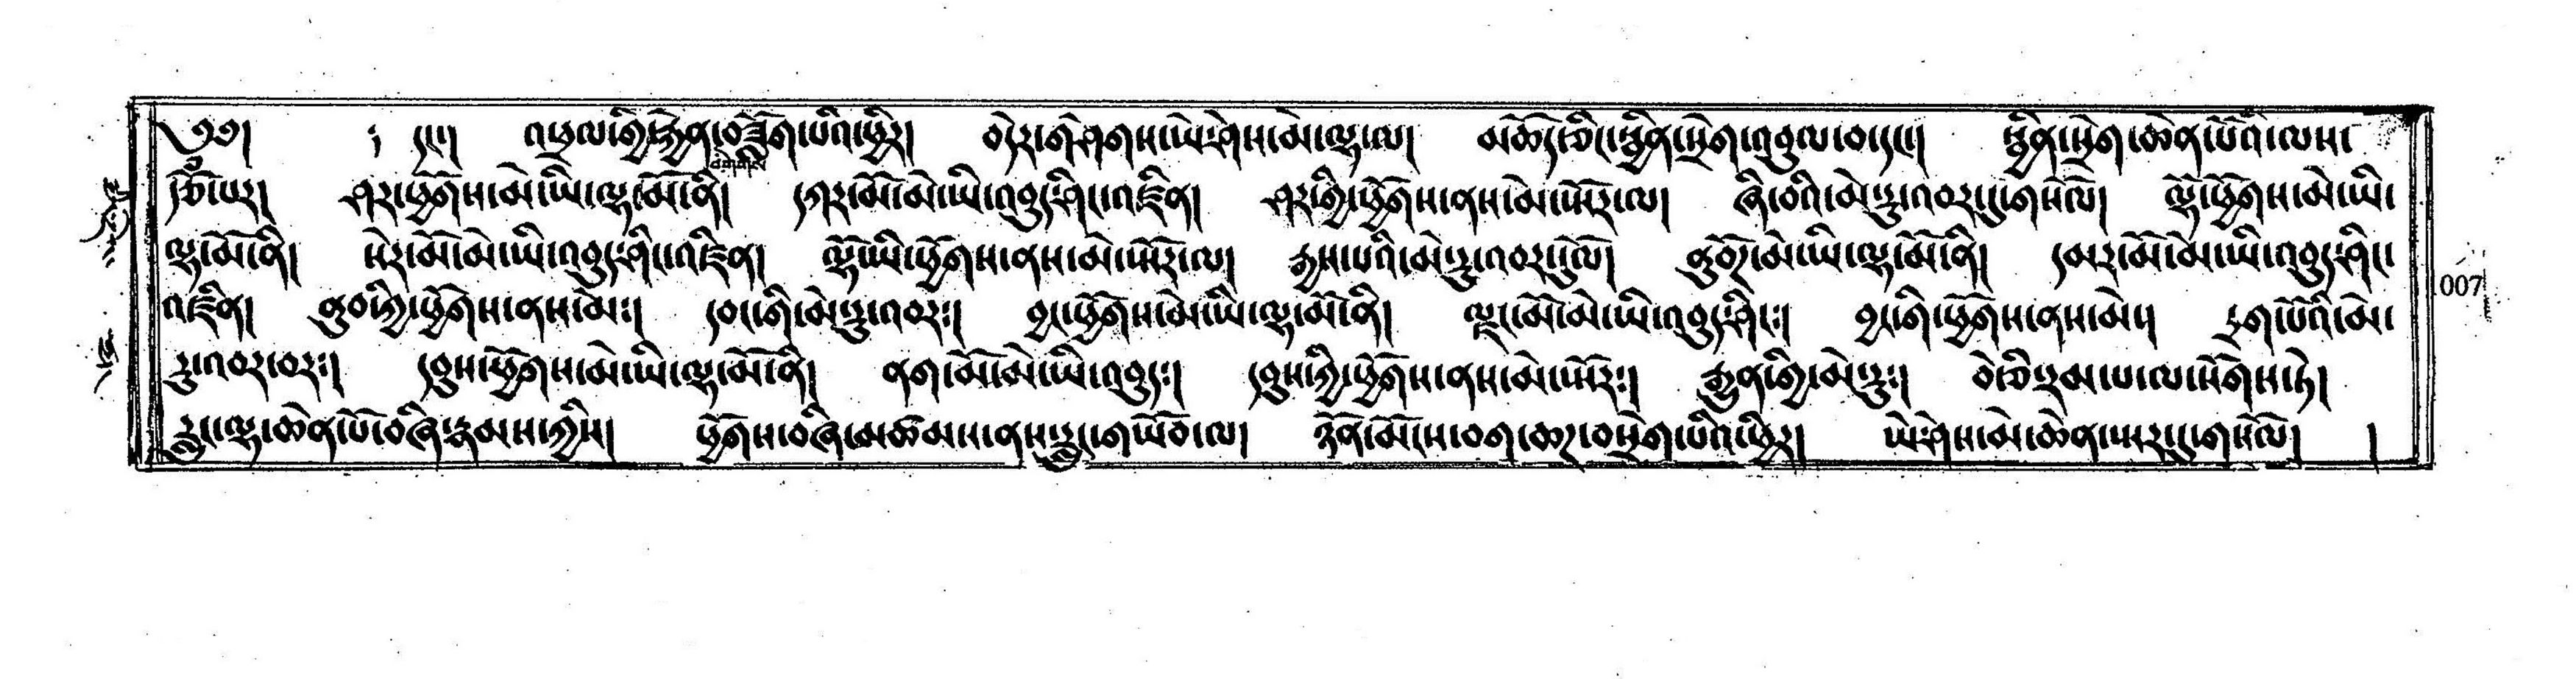དང་། འཕྲལ་གྱི་རྐྱེན་བགེགས་བཟློག་པའི་ཕྱིར། བདེར་གཤེགས་ཡེ་ཤེས་མེ་ལྷ་ལ། མཆོད་ཅིང་སྦྱིན་སྲེག་འབུལ་བ་དང་། སྦྱིན་སྲེག་ཆེན་པོའི་ལས་
རྩོམ་པར། ཤར་ཕྱོགས་མེ་ཡི་ལྷ་མོ་ནི། དཀར་མོ་མེ་ཡི་འབུད་ཤིང་འཛིན། ཤར་གྱི་ཕྱོགས་ནས་མེ་སྤོར་ལ། ཞི་བའི་མེ་རུ་འབར་དུ་གསོལ། ལྷོ་ཕྱོགས་མེ་ཡི་
ལྷ་མོ་ནི། སེར་མོ་མེ་ཡི་འབུད་ཤིང་འཛིན། ལྷོ་ཡི་ཕྱོགས་ནས་མེ་སྤོར་ལ། རྒྱས་པའི་མེ་རུ་འབར་དུ་གསོལ། ནུབ་ཕྱོགས་མེ་ཡི་ལྷ་མོ་ནི། དམར་མོ་མེ་ཡི་འབུད་ཤིང་
འཛིན། ནུབ་ཀྱི་ཕྱོགས་ནས་མེ༴། དབང་གི་མེ་རུ་འབར༴། བྱང་ཕྱོགས་མེ་ཡི་ལྷ་མོ་ནི། ལྗང་མོ་མེ་ཡི་འབུད་ཤིང་༴། བྱང་གི་ཕྱོགས་ནས་མེ༴། དྲག་པོའི་མེ་
རུ་འབར་བར༴། དབུས་ཕྱོགས་མེ་ཡི་ལྷ་མོ་ནི། ནག་མོ་མེ་ཡི་འབུད༴། དབུས་ཀྱི་ཕྱོགས་ནས་མེ་སྤོར༴། རྒྱུན་གྱི་མེ་རུ༴། བེ་ཅི་རམ་པ་ལ་སོགས་ཏེ། 
རླུང་ལྷ་ཆེན་པོ་བཞི་རྣམས་ཀྱིས། ཕྱོགས་བཞི་མཚམས་ནས་རླུང་གཡོབ་ལ། ཉོན་མོངས་བག་ཆགས་བསྲེག་པའི་ཕྱིར། ཡེ་ཤེས་མེ་ཆེན་སྤར་དུ་གསོལ།